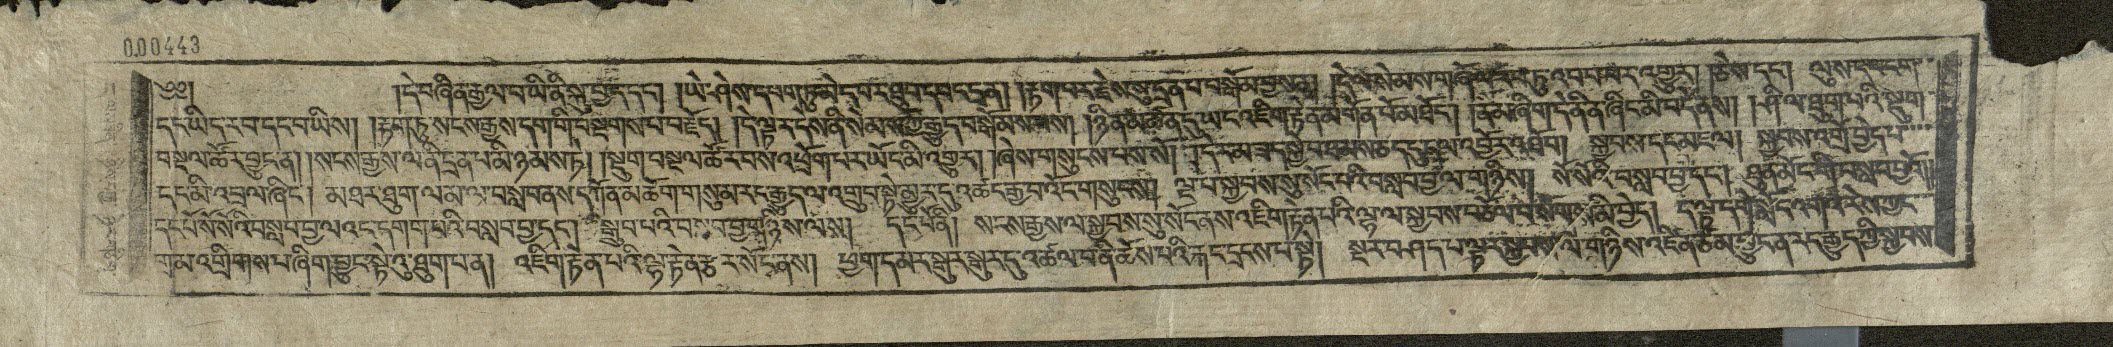༄༅། །དེ་བཞིན་རྒྱལ་བ་ཡི་ནི་སྐུ་བྱད་དང་། །ཡེ་ཤེས་དཔག་ཏུ་མེད་པར་ཐུབ་དབང་དྲན། །རྟག་པར་རྗེས་སུ་དྲན་པ་བསྒོམ་བྱས་ན། །དེ་ལ་སེམས་གཞོལ་རབ་ཏུ་འབབ་པར་འགྱུར། །ཅེས་དང་། ལུས་དང་ངག་
དང་ཡིད་རབ་དང་བ་ཡིས། །རྟག་ཏུ་སངས་རྒྱས་དག་གི་བསྔགས་པ་བརྗོད། །དེ་ལྟར་དེས་ནི་སེམས་ཀྱི་རྒྱུད་བསྒོམས་པས། །ཉིན་མཚན་དུ་ཡང་འཇིག་རྟེན་མགོན་པོ་མཐོང་། །ནམ་ཞིག་དེ་ནི་ན་ཞིང་མི་བདེ་ནས། །ཤི་ལ་ཐུག་པའི་སྡུག་
བསྔལ་ཚོར་བྱུང་ན། །སངས་རྒྱས་ལ་ནི་དྲན་པ་མི་ཉམས་ཏེ། །སྡུག་བསྔལ་ཚོར་བས་འཕྲོག་པར་ཡོང་མི་འགྱུར། །ཞེས་གསུངས་པས་སོ། །དེར་མ་ཟད་སྐྱེ་བ་ཐམས་ཅད་དུ་དལ་འབྱོར་འཐོབ། སྐྱབས་དང་མཇལ། སྐྱབས་འགྲོ་བྱེད་པ་
དང་མི་འབྲལ་ཞིང་། མཐར་ཐུག་ལམ་ལ་བསླབ་ནས་དཀོན་མཆོག་གསུམ་རང་རྒྱུད་ལ་འགྲུབ་སྟེ་མྱུར་དུ་འཚང་རྒྱ་བ་འོང་གསུངས། ལྔ་པ་སྐྱབས་སུ་སོང་བའི་བསླབ་བྱ་ལ་གཉིས། སོ་སོའི་བསླབ་བྱ་དང་། ཐུན་མོང་གི་བསླབ་བྱའོ།།
དང་པོ་སོ་སོའི་བསླབ་བྱ་ལའང་དགག་པའི་བསླབ་བྱ་དང་། སྒྲུབ་པའི་བསླབ་བྱ་གཉིས་ལས། དང་པོ་ནི། སངས་རྒྱས་ལ་སྐྱབས་སུ་སོང་ནས་འཇིག་རྟེན་པའི་ལྷ་ལ་སྐྱབས་བཅོལ་བ་སོགས་མི་བྱེད། ད་ལྟ་དགེ་སློང་འགའ་རེས་ཀྱང་
གྲ་མ་འགྲིགས་པ་ཞིག་བྱུང་སྟེ་འུ་ཐུག་པ་ན། འཇིག་རྟེན་པའི་ལྷ་རྟེན་རྩར་སོང་ནས། ཕྱག་དམར་སྒུར་སྒུར་དུ་འཚལ་བ་ནི་ཆོས་པའི་རྐང་དྲངས་པ་སྟེ། སྔར་བཤད་པ་ལྟར་སྐྱབས་ལ་གཉིས་འཛིན་ཙམ་བྱུང་ན་རང་རྒྱུད་ཀྱི་སྐྱབས་